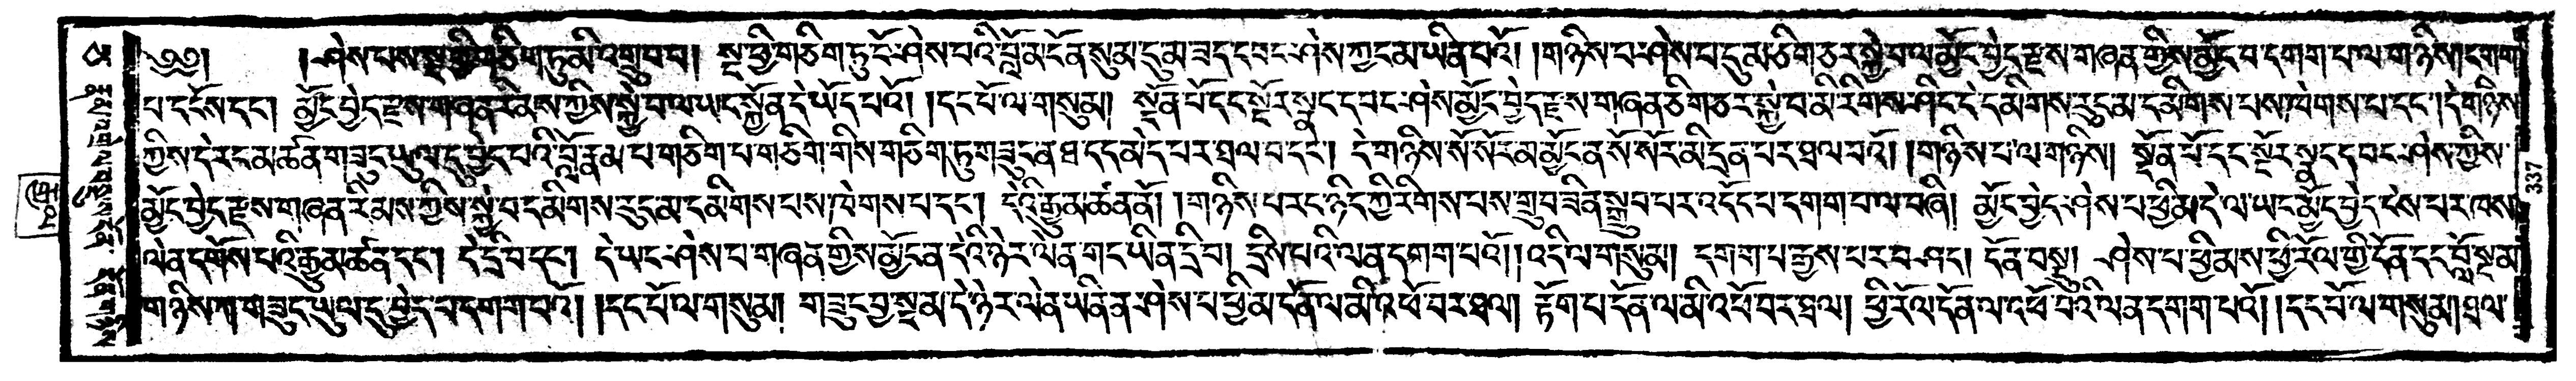༄༅། །ཤེས་པས་སྔ་ཕྱི་གཅིག་ཏུ་མི་འགྲུབ་པ། སྔ་ཕྱི་གཅིག་ཏུ་ངོ་ཤེས་པའི་བློ་མངོན་སུམ་དུ་མ་ཟད་དབང་ཤེས་ཀྱང་མ་ཡིན་པའོ། །གཉིས་པ་ཤེས་པ་དུ་མ་ཅིག་ཅར་སྐྱེ་བ་ལ་མྱོང་བྱེད་རྫས་གཞན་གྱིས་མྱོང་བ་དགག་པ་ལ་གཉིས། དགག་
པ་དངོས་དང་། མྱོང་བྱེད་རྫས་གཞན་རིམས་ཀྱིས་སྐྱེ་བ་ལ་ཡང་སྐྱོན་དེ་ཡོད་པའོ། །དང་པོ་ལ་གསུམ། སྔོན་པོ་དང་སྔོར་སྣང་དབང་ཤེས་མྱོང་བྱེད་རྫས་གཞན་ཅིག་ཅར་སྐྱེ་བ་མི་རིགས་ཤིང་དེ་དམིགས་རུང་མ་དམིགས་པས་ཁེགས་པ་དང་། དེ་གཉིས་
ཀྱིས་དེ་རང་མཚན་གཟུང་ཡུལ་དུ་བྱེད་པའི་བློ་རྣམ་པ་གཅིག་པ་གཅིག་གིས་གཅིག་ཏུ་གཟུང་ན་ཐ་དད་མེད་པར་ཐལ་བ་དང་། དེ་གཉིས་སོ་སོར་མ་མྱོང་ན་སོ་སོར་མི་དྲན་པར་ཐལ་བའོ། །གཉིས་པ་ལ་གཉིས། སྔོན་པོ་དང་སྔོར་སྣང་དབང་ཤེས་ཀྱིས་
མྱོང་བྱེད་རྫས་གཞན་རིམས་ཀྱིས་སྐྱེ་བ་དམིགས་རུང་མ་དམིགས་པས་ཁེགས་པ་དང་། དེའི་རྒྱུ་མཚན་ནོ། །གཉིས་པ་རང་ཉིད་ཀྱི་རིགས་པས་གྲུབ་ཟིན་སྒྲུབ་པར་འདོད་པ་དགག་པ་ལ་བཞི། མྱོང་བྱེད་ཤེས་པ་ཕྱི་མ་དེ་ལ་ཡང་མྱོང་བྱེད་ངེས་པར་ཁས་
ལེན་དགོས་པའི་རྒྱུ་མཚན་དང་། དེ་དྲི་བ་དང་། དེ་ཡང་ཤེས་པ་གཞན་གྱིས་མྱོང་ན་དེའི་ཉེར་ལེན་གང་ཡིན་དྲི་བ། དྲིས་པའི་ལན་དགག་པའོ། །འདི་ལ་གསུམ། དགག་པ་རྒྱས་པར་བཤད། དོན་བསྡུ། ཤེས་པ་ཕྱི་མས་ཕྱི་རོལ་གྱི་དོན་དང་བློ་སྔ་མ་
གཉིས་ཀ་གཟུང་ཡུལ་དུ་བྱེད་པ་དགག་པའོ། །དང་པོ་ལ་གསུམ། གཟུང་བྱ་སྔ་མ་དེ་ཉེར་ལེན་ཡིན་ན་ཤེས་པ་ཕྱི་མ་དོན་ལ་མི་འཕོ་བར་ཐལ། རྟོག་པ་དོན་ལ་མི་འཕོ་བར་ཐལ། ཕྱི་རོལ་དོན་ལ་འཕོ་བའི་ལན་དགག་པའོ། །དང་པོ་ལ་གསུམ། ཐལ་